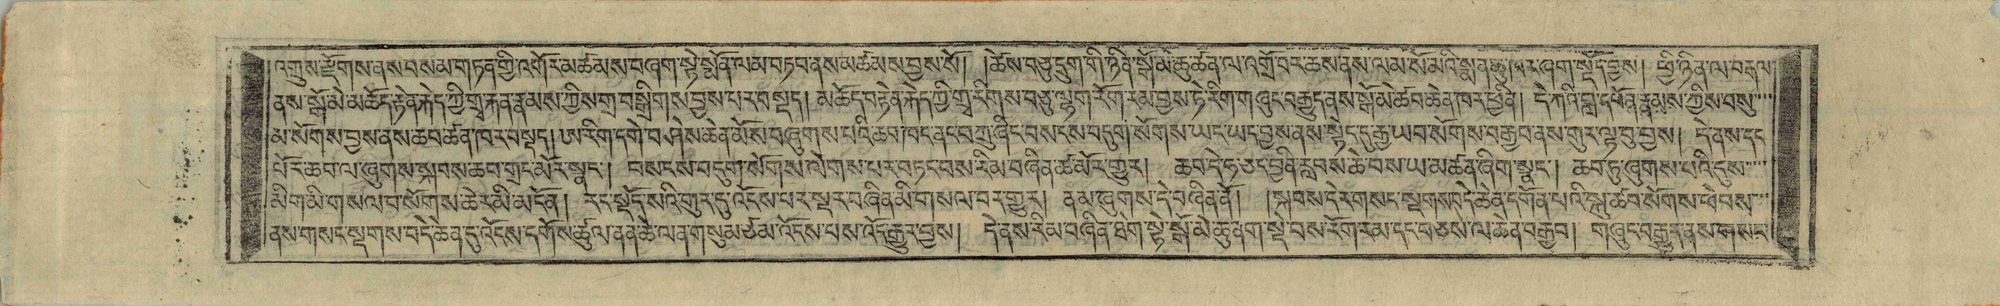འགྲུས་རྫོགས་ནས་བསམ་གཏན་གྱི་འགོར་མཚམས་བཞག་སྟེ་སྨོན་ལམ་བཏབ་ནས་མཚམས་བྱས་སོ། །ཚེས་བཅུ་དྲུག་གི་ཉིན་སྒོ་མེ་ཆུ་ཚན་ལ་འགྲོ་བར་ཆས་ནས་ལམ་སོ་མའི་སྨན་ཆུ་ཁར་ཞག་སྡོད་བྱས། ཕྱི་ཉིན་ལ་བརྒལ་
ནས་སྒོ་མེ་མཆོད་རྟེན་རྐེད་ཀྱི་གྲྭ་རྐན་རྣམས་ཀྱིས་གྲ་བསྒྲིགས་བྱས་པར་བསྡད། མཆོད་བརྟེན་རྐེད་ཀྱི་གྲྭ་རིགས་བཅུ་ལྷག་རོག་རམ་བྱས་ཏེ་རིག་གཞུང་བརྒྱུད་ནས་སྒོ་མེ་ཚབ་ཆེན་ཁར་ཕྱིན། དེ་ཀའི་བླ་དཔོན་རྣམས་ཀྱིས་བསུ་
མ་སོགས་བྱས་ནས་ཆབ་ཚན་ཁར་བསྡད། ཨ་རིག་དགེ་བཤེས་ཆེན་མོས་བཞུགས་པའི་ཆབ་ཁང་ནང་བཀྲུ་ཞིང་བསངས་བདུག་སོགས་ཡང་ཡང་བྱས་ནས་སྟེང་དུ་རྒྱ་ཡབ་སོགས་བརྒྱབ་ནས་གུར་ལྟ་བུ་བྱས། དེ་ནས་དང་
པོར་ཆབ་ལ་ཞུགས་སྐབས་ཆབ་གྲང་མོར་སྣང་། བསངས་བདུག་སོགས་ལེགས་པར་བཏང་བས་རིམ་བཞིན་ཚ་མོར་གྱུར། ཆབ་དེ་ཧ་ཅང་བྱིན་རླབས་ཆེ་བས་ཡ་མཚན་ཞིག་སྣང་། ཆབ་ཏུ་ཞུགས་པའི་དུས་
མིག་མི་གསལ་བ་སོགས་ཆེར་མི་མངོན། རང་སྡོད་སའི་གུར་དུ་འོངས་པར་སྔར་བཞིན་མི་གསལ་བར་གྱུར། ནམ་ཞུགས་དེ་བཞིན་ནོ། །སྐབས་དེར་གསང་སྔགས་བདེ་ཆེན་དགོན་པའི་སྐུ་ཚབ་སོགས་ཕེབས་
ནས་གསང་སྔགས་བདེ་ཆེན་དུ་འོངས་དགོས་ཚུལ་ནན་ཆེ་ལན་གསུམ་ཙམ་འོངས་པས་འོད་རྒྱུར་བྱས། དེ་ནས་རིམ་བཞིན་ཐེག་སྟེ་སྒོ་མེ་ཆུ་ནག་སྡེ་བས་རོག་རམ་དང་བཅས་ལ་ཆེན་བརྒྱབ། གཞུང་བརྒྱུད་ནས་གསང་